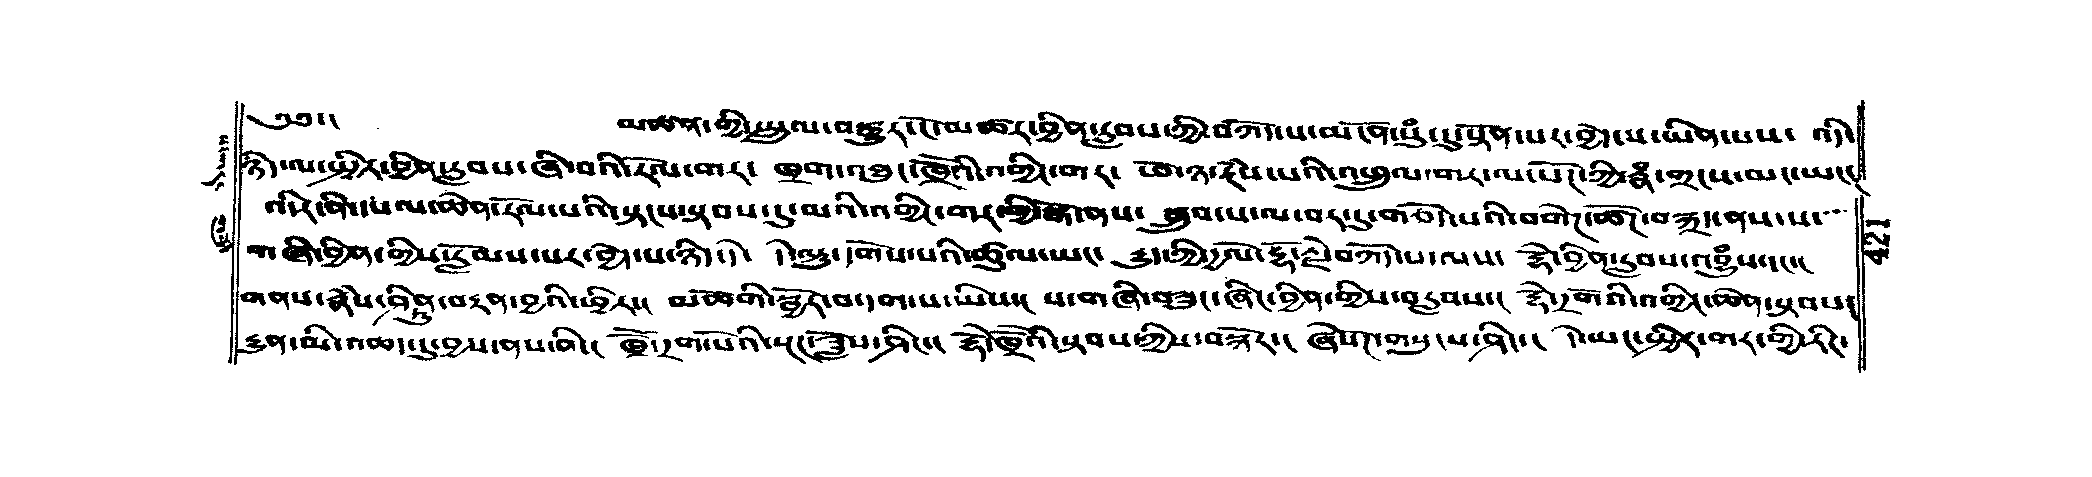མཚན་་གྱི་སྤྲུལ་བསྒྱུར་ངོ་མཚར་བྱིན་རླབས་ཀྱི་བཀོད་པ་མངོན་སུམ་དུ་སྟོན་པར་བྱེད་པ་ཡིན་པས། འདི་
ཉིད་ལ་སྤྱིར་བྱིན་རླབས་ཞི་བའི་རོལ་གར། ཁྲག་འཐུང་ཁྲོ་བོའི་འགྱིང་གར། ཕོ་ཉ་རྔམས་པའི་འཕྲུལ་གར་ལ་སོགས་ཀྱི་རྣམ་གྲངས་མང་ཡང་། 
འདིར་ནི་དཔལ་ཆེན་རོལ་བའྀ་སྟངས་སྟབས་དུ་མའི་འགྱིང་གར་གྱི་སྒོ་ནས། སྒྲུབ་པ་ལ་བར་དུ་གཅོད་པའི་གེགས་ཚོགས་བསྐྲད་ནས་ས་
གཞི་བྱིན་གྱིས་རློབས་པར་བྱེད་པ་ཉིད་དེ། དེ་ལྟ་བུ་དགོས་པའི་ཚུལ་ཡང་། རྒྱུད་ཀྱི་རྒྱལ་པོ་རྡོ་རྗེ་བཀོད་པ་ལས། རྡོ་རྗེ་བྱིན་རླབས་འབྱུང་གནས་དང་། །
གནས་རྣམས་ཤིན་ཏུ་བརྟན་བྱའི་ཕྱིར། །མཆོག་གིད་སྦྱོར་བ་དག་པ་ཡིས། །ས་གཞི་བཟུང་ཞིང་བྱིན་གྱིས་བརླབས། །རྡོ་རྗེ་་དྲག་པོའི་འགྱིང་ཆེན་སྟབས། །
རྒྱུན་མི་འཆད་དུ་བྱས་ནས་ནི། ཁྲོ་བོ་དྲག་པོའི་སྔགས་ཟློས་ཤིང་། །རྡོ་རྗེ་ཁྲོ་བོའི་སྟབས་ཀྱིས་བསྐོར། །ཞེས་གསུངས་ཤིང་། དེ་ཡང་སྤྱིར་གར་གྱི་རིགས་